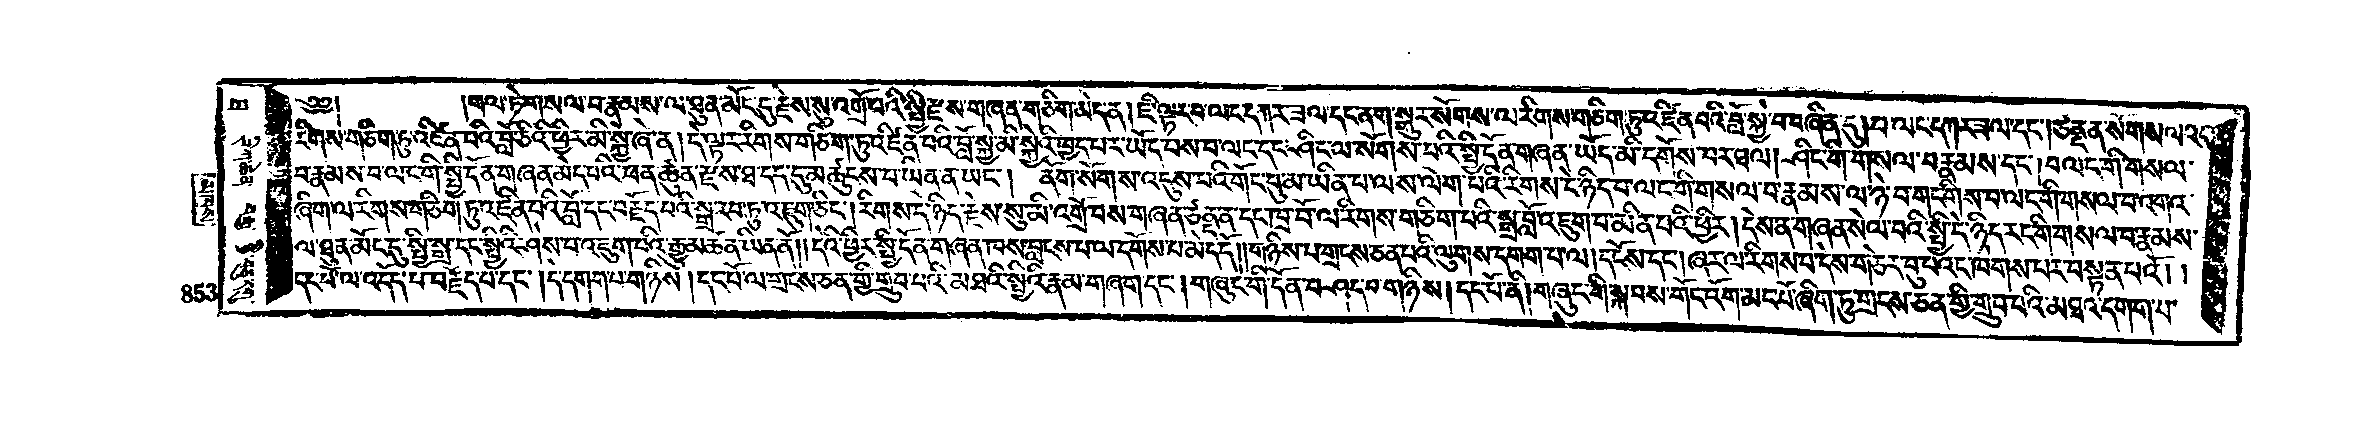༄༅། །གལ་ཏེ་གསལ་བ་རྣམས་ལ་ཐུན་མོང་དུ་རྗེས་སུ་འགྲོ་བའི་སྤྱི་རྫས་གཞན་གཅིག་མེད་ན། ཇི་ལྟར་བ་ལང་དཀར་ཟལ་དང་ནག་སྒུར་སོགས་ལ་རིགས་གཅིག་ཏུ་འཛིན་པའི་བློ་སྐྱེ་བ་བཞིན་དུ། བ་ལང་དཀར་ཟལ་དང་། ཙནྡན་སོགས་ལའང་
རིགས་གཅིག་ཏུ་འཛིན་པའི་བློ་ཅིའི་ཕྱིར་མི་སྐྱེ་ཞེ་ན། དེ་ལྟར་རིགས་གཅིག་ཏུ་འཛིན་པའི་བློ་སྐྱེ་མི་སྐྱེའི་ཁྱད་པར་ཡོད་པས་བ་ལང་དང་ཤིང་ལ་སོགས་པའི་སྤྱི་དོན་གཞན་ཡོད་མི་དགོས་པར་ཐལ། ཤིང་གི་གསལ་བ་རྣམས་དང་། བ་ལང་གི་གསལ་
བ་རྣམས་བ་ལང་གི་སྤྱི་དོན་གཞན་མེད་པའི་ཕན་ཚུན་རྫས་ཐ་དད་དུ་མཚུངས་པ་ཡིན་ན་ཡང་། ནོག་སོགས་འདུས་པའི་གོང་བུ་མ་ཡིན་པ་ལས་ལེག་པའི་རིགས་དེ་ཉིད་བ་ལང་གི་གསལ་བ་རྣམས་ལ་ཉེ་བ་གང་གིས་བ་ལང་གི་གསལ་བ་འགའ་
ཞིག་ལ་རིགས་གཅིག་ཏུ་འཛིན་པའི་བློ་དང་བརྗོད་པའི་སྒྲ་རབ་ཏུ་འཇུག་ཅིང་། རིགས་དེ་ཉིད་རྗེས་སུ་མི་འགྲོ་བས་གཞན་ཙནྡན་དང་ཁྲ་བོ་ལ་རིགས་གཅིག་པའི་སྒྲ་བློ་འཇུག་པ་མིན་པའི་ཕྱིར། དེས་ན་གཞན་སེལ་བའི་སྤྱི་དེ་ཉིད་རང་གི་གསལ་བ་རྣམས་
ལ་ཐུན་མོང་དུ་སྤྱི་སྒྲ་དང་སྤྱིའི་ཤེས་པ་འཇུག་པའི་རྒྱུ་མཚན་ཡིན་ནོ། །དེའི་ཕྱིར་སྤྱི་དོན་གཞན་ཁས་བླངས་པ་ལ་དགོས་པ་མེད་དོ། །གཉིས་པ་གྲངས་ཅན་པའི་ལུགས་དགག་པ་ལ། དངོས་དང་། ཞར་ལ་རིགས་པ་དེས་གཅེར་བུ་པའང་ཁེགས་པར་བསྟན་པའོ། །
དང་པོ་ལ་འདོད་པ་བརྗོད་པ་དང་། དེ་དགག་པ་གཉིས། དང་པོ་ལ་གྲངས་ཅན་གྱི་གྲུབ་པའི་མཐའི་སྤྱིའི་རྣམ་གཞག་དང་། གཞུང་གི་དོན་བཤད་པ་གཉིས། དང་པོ་ནི། གཞུང་གི་སྐབས་གོང་འོག་མང་པོ་ཞིག་ཏུ་གྲངས་ཅན་གྱི་གྲུབ་པའི་མཐའ་དགག་པ་